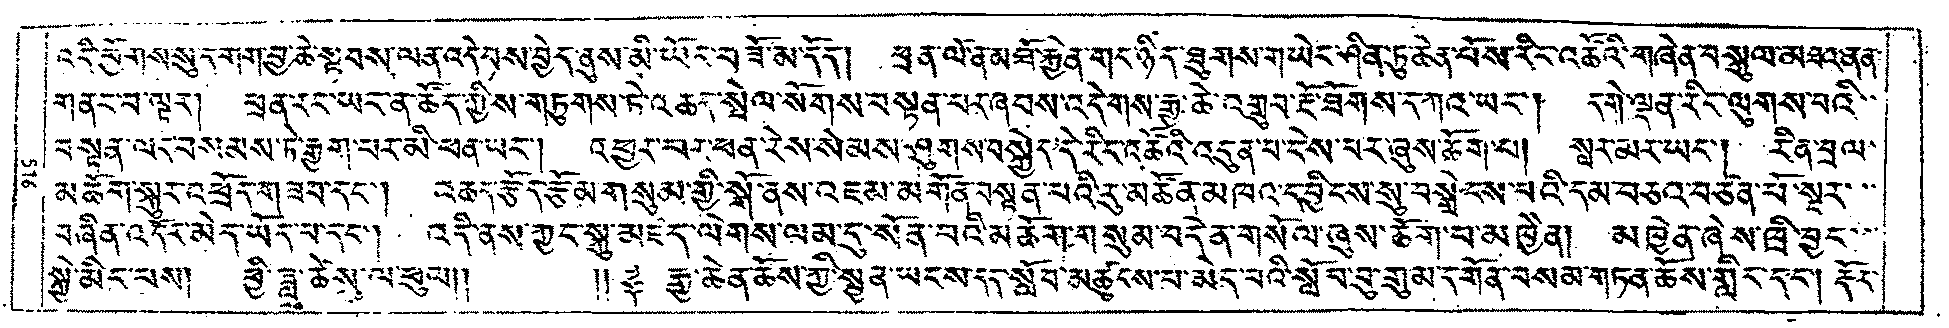འདི་ཕྱོགས་སུ་དགག་བྱ་ཆེ་སྟབས་ལན་འདེབས་བྱེད་ནུས་མི་ཡོང་བཟོ་མ་དོད། ཕྲན་ལོ་ན་མཐོ་རྐྱེན་གང་ཉིད་ཐུགས་གཡེང་ཤིན་ཏུ་ཆེན་པོས་རིང་འཚོའི་གཞེན་བསྐུལ་མཐའ་ནན་
གནང་བ་ལྟར། ཕྲན་རང་ཡང་ན་ཚོད་ཀྱིས་གཏུགས་ཏེ་འཆད་སྤེལ་སོགས་བསྟན་པར་ཞབས་འདེགས་རྒྱ་ཆེ་འགྲུབ་རྔོ་ཐོགས་དཀའ་ཡང་། དགེ་ལྡན་རིང་ལུགས་པའི་
བསྟན་ལར་བསམས་ཏེ་རྒྱག་པར་མི་ཕན་ཡང་། འཕྱར་བར་ཕན་རེས་སེམས་ཤུགས་བསྐྱེད་དེ་རིང་འཚོའི་འདུན་པ་ངེས་པར་ཞུས་ཆོག་པ། སླར་མར་ཡང་། རིན་བྲལ་
མཆོག་སྐུར་འཕྲོད་གཟབ་དང་། འཆད་རྩོད་རྩོམ་གསུམ་གྱི་སྒོ་ནས་འཇམ་མགོན་བསྟན་པའི་རུ་མཚོན་མཁའ་དབྱིངས་སུ་བསྒྲེངས་པའི་དམ་བཅའ་བཙན་པོ་སྔར་
བཞིན་འདོར་མེད་ཡོད་པ་དང་། འདི་ནས་ཀྱང་སྐུ་མཛད་ལེགས་ལམ་དུ་སོན་པའི་མཆོག་གསུམ་བདེན་གསོལ་ཞུས་ཆོག་པ་མཁྱཻན། མཁྱེན་ཞེས་ཁྲི་བྱང་
སྐྱེ་མིང་པས། ཕྱི་ཟླ ༡༠་ཚེས ༣༠་ལ་ཕུལ།། །། ༈ རྒྱ་ཆེན་སྐྱེ་མིང་པས། ཕྱི་ཟླ ༡༠་ཚེས ༣༠་ལ་ཕུལ།། །། ༈ རྒྱལ་ཆེན་དགོན་བསམ་གཏན་ཆོས་གླིང་དང་། རྡོར་